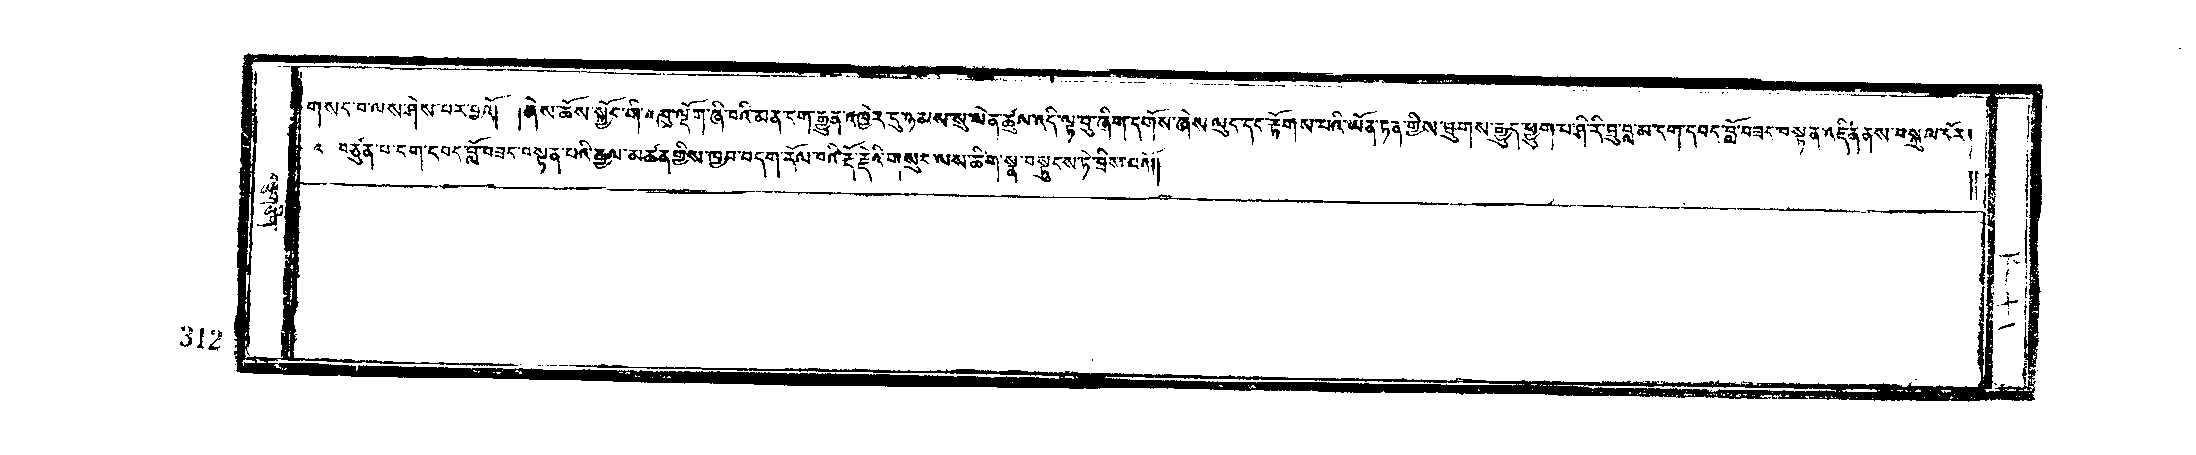གསང་བ་ལས་ཤེས་པར་བྱའོ། །ཞེས་ཆོས་སྐྱོང་གི་འཁུ་ལྡོག་ཞི་བའི་མན་ངག་རྒྱུན་འཁྱེར་དུ་ཉམས་སུ་ལེན་ཚུལ་འདི་ལྟ་བུ་ཞིག་དགོས་ཞེས་ལུང་དང་རྟོགས་པའི་ཡོན་ཏན་གྱིས་ཐུགས་རྒྱུད་ཕྱུག་པ་ཤི་རི་ཐུ་བླ་མ་ངག་དབང་བློ་བཟང་བསྟན་འཛིན་ནས་བསྐུལ་ངོར།
བཙུན་པ་ངག་དབང་བློ་བཟང་བསྟན་པའི་རྒྱལ་མཚན་གྱིས་ཁྱབ་བདག་རོལ་བའི་རྡོ་རྗེའི་གསུང་ལས་ཚིག་སྣ་བསྟུངས་ཏེ་བྲིས་པའོ།།